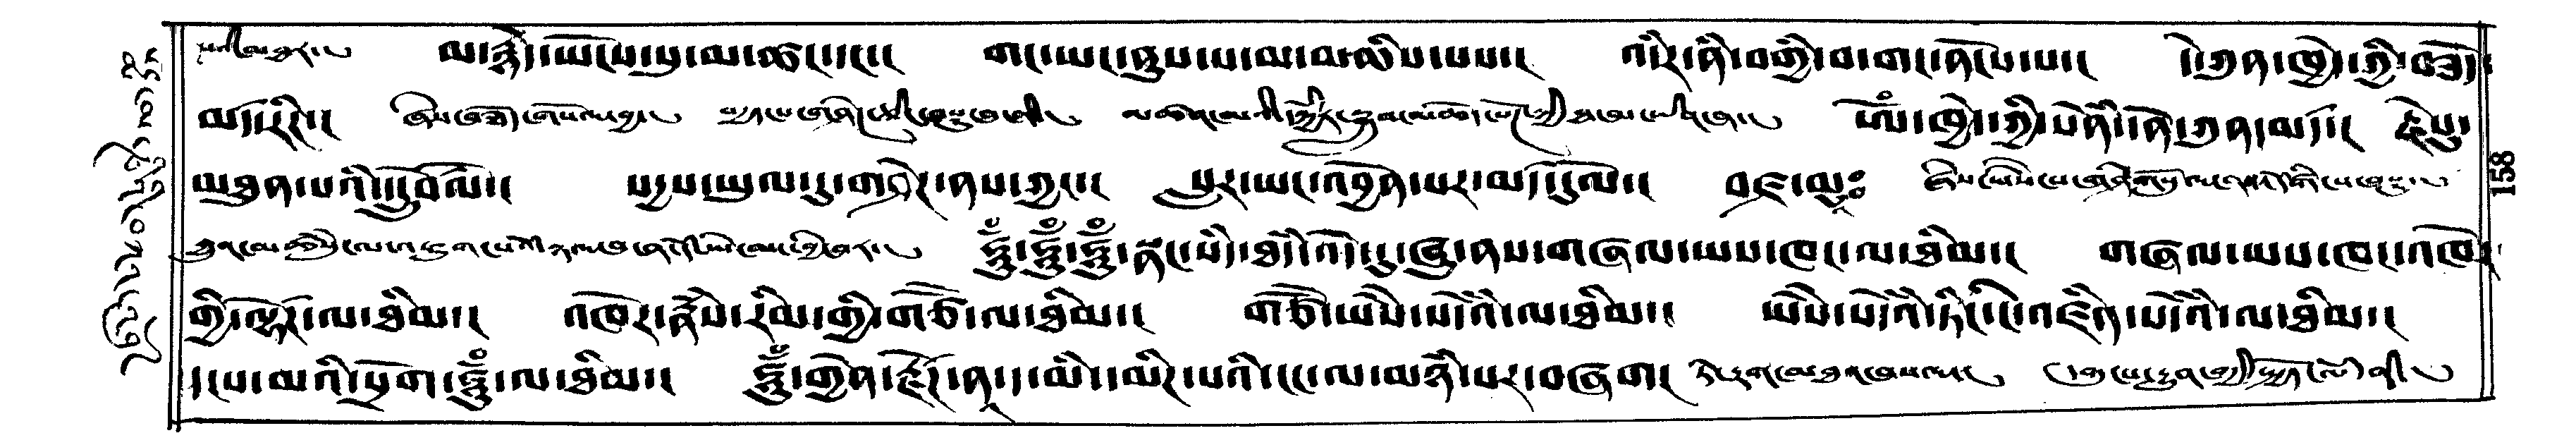པའི་མཐར། མ་རྙེད་ཡོངས་སུ་མ་ཚང་དང་། །གང་ཡང་ནུས་པ་མ་མཆིས་པས། །འདིར་ནི་བགྱི་བ་གང་ནོངས་པ། །དེ་ཀུན་ཁྱེད་ཀྱིས་བཟོད་
མཛད་རིགས།། ཞེས་བཟོད་གསོལ་བྱ། བརྒྱད་པ་གཤེགས་ཤིང་བསྡུ་བ་ནི། མཚན་མའི་དཀྱིལ་འཁོར་སྒྲུབ་མཆོད་སོགས་ཀྱི་ཐ་མ་ཡིན་ན། ཨོཾ་ཁྱེད་ཀྱི་སེམས་ཅན་དོན་ཀུན་མཛད།། རྗེས་སུ་
མཐུན་པའི་དངོས་གྲུབ་སྩོལ། །སངས་རྒྱས་ཡུལ་དུ་གཤེགས་ནས་ཀྱང་། །སླར་ཡང་འབྱོན་པར་མཛད་དུ་གསོལ། བཛྲ་མུཿ ཞེས་ཡེ་ཤེས་པ་གཤེགས་སུ་གསོལ་ནས་དམ་ཚིག་པ་བསྡུ། 
ཐུན་མཚམས་སུ་ལ་འཇུག་པའམ་ཉལ་བ་ན་དམ་ཡེ་མ་ཕྱེ་བར། ཧཱུྃ་ཧཱུྃ་ཧཱུྃ་སྣང་སིད་ཐམས་ཅད་འོད་དུ་ཞུ་ནས་གཞལ་ཡས་ཁང་ལ་ཐིམ། གཞལ་ཡས་ཁང་འཁོར་
གྱི་ལྷ་ཚོགས་ལ་ཐིམ། འཁོར་རྣམས་རིམ་གྱིས་གཙོ་བོ་ལ་ཐིམ། གཙོ་བོ་ཡེ་ཤེས་སེམས་དཔའ་ལ་ཐིམ། ཡེ་ཤེས་སེམས་དཔའ་ཏིང་ངེ་འཛིན་སེམས་དཔའ་ལ་ཐིམ། 
དྭངས་མའི་སྲོག་ཧཱུྃ་ལ་ཐིམ། ཧཱུྃ་གྱེན་རྫོགས་ནཱ་ད་མི་དམིགས་པའི་ངང་ལ་མཉམ་པར་བཞག་ཏེ་རྟག་མཐའ་བསལ། དགུ་པ་རྒྱུན་གྱི་སྤྱོད་ལམ་ནི།